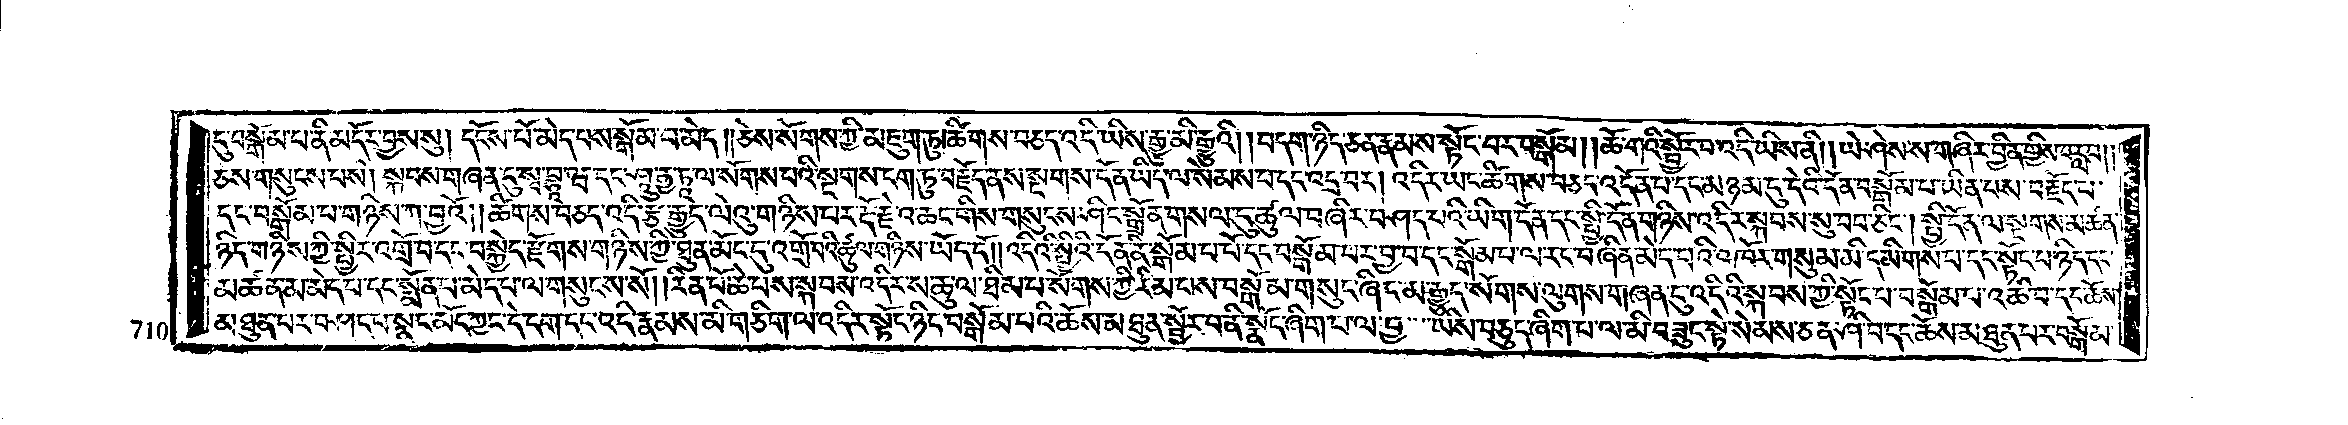དུ་བསྒོམ་པ་ནི་མདོར་བྱས་སུ། དངོས་པོ་མེད་པས་སྒོམ་པ་མེད། །ཅེས་སོགས་ཀྱི་མཇུག་ཏུ། ཚིགས་བཅད་འདི་ཡིས་རྒྱུ་མི་རྒྱུའི། །བདག་ཉིད་ཅན་རྣམས་སྟོང་པར་བསྒོམ། །ཆོ་གའི་སྦྱོར་བ་འདི་ཡིས་ནི། །ཡེ་ཤེས་ས་གཞིར་བྱིན་གྱིས་བརླབ། །
ཅེས་གསུངས་པས། སྐབས་གཞན་དུ་སྭ་བྷཱ་ཝ་དང་ཤཱུ་ནྱ་ཏཱ་ལ་སོགས་པའི་སྔགས་ངག་ཏུ་བརྗོད་ནས་སྔགས་དོན་ཡིད་ལ་སེམས་པ་དང་འདྲ་བར། འདིར་ཡང་ཚིགས་བཅད་འདོན་པ་དང་མཉམ་དུ་དེའི་དོན་བསྒོམ་པ་ཡིན་པས་བརྗོད་པ་
དང་བསྒོམ་པ་གཉིས་ཀ་བྱའོ། །ཚིགས་བཅད་འདི་རྩ་རྒྱུད་ལེའུ་གཉིས་པར་རྡོ་རྗེ་འཆང་གིས་གསུངས་ཤིང་སྒྲོན་གསལ་དུ་ཚུལ་བཞིར་བཤད་པའི་ཡིག་དོན་དང་སྤྱི་དོན་གཉིས་འདིར་སྐབས་སུ་བབ་ཅིང་། སྤྱི་དོན་ལ་སྔགས་མཚན་
ཉིད་གཉིས་ཀྱི་སྤྱིར་འགྲོ་བ་དང་བསྐྱེད་རྫོགས་གཉིས་ཀྱི་ཐུན་མོང་དུ་འགྲོ་བའི་ཚུལ་གཉིས་ཡོད་དོ། །འདིའི་སྤྱིའི་དོན་ནི་སྒོམ་པ་པོ་དང་བསྒོམ་པར་བྱ་བ་དང་སྒོམ་པ་ལ་རང་བཞིན་མེད་པའི་འཁོར་གསུམ་མི་དམིགས་པ་དང་སྟོང་པ་ཉིད་དང་
མཚན་མ་མེད་པ་དང་སྨོན་པ་མེད་པ་ལ་གསུངས་སོ། །རིན་པོ་ཆེ་པས་སྐབས་འདིར་ས་ཆུ་ལ་ཐིམ་པ་སོགས་ཀྱི་རིམ་པས་བསྒོམ་གསུང་ཞིང་མ་རྒྱུད་སོགས་ལུགས་གཞན་དུ་འདིའི་སྐབས་ཀྱི་སྟོང་པ་བསྒོམ་པ་འཆི་བ་དང་ཆོས་
མཐུན་པར་བཤད་པ་སྣང་མོད་ཀྱང་དེ་དག་དང་འདི་རྣམས་མི་གཅིག་ལ་འདིར་སྟོང་ཉིད་བསྒོམ་པའི་ཆོས་མཐུན་སྦྱོར་བ་ནི་སྣོད་ཞིག་པ་ལ་བྱ་ཡིས་བཅུད་ཞིག་པ་ལ་མི་བཟུང་སྟེ་སེམས་ཅན་ཤི་བ་དང་ཆོས་མཐུན་པར་བསྒོམ་